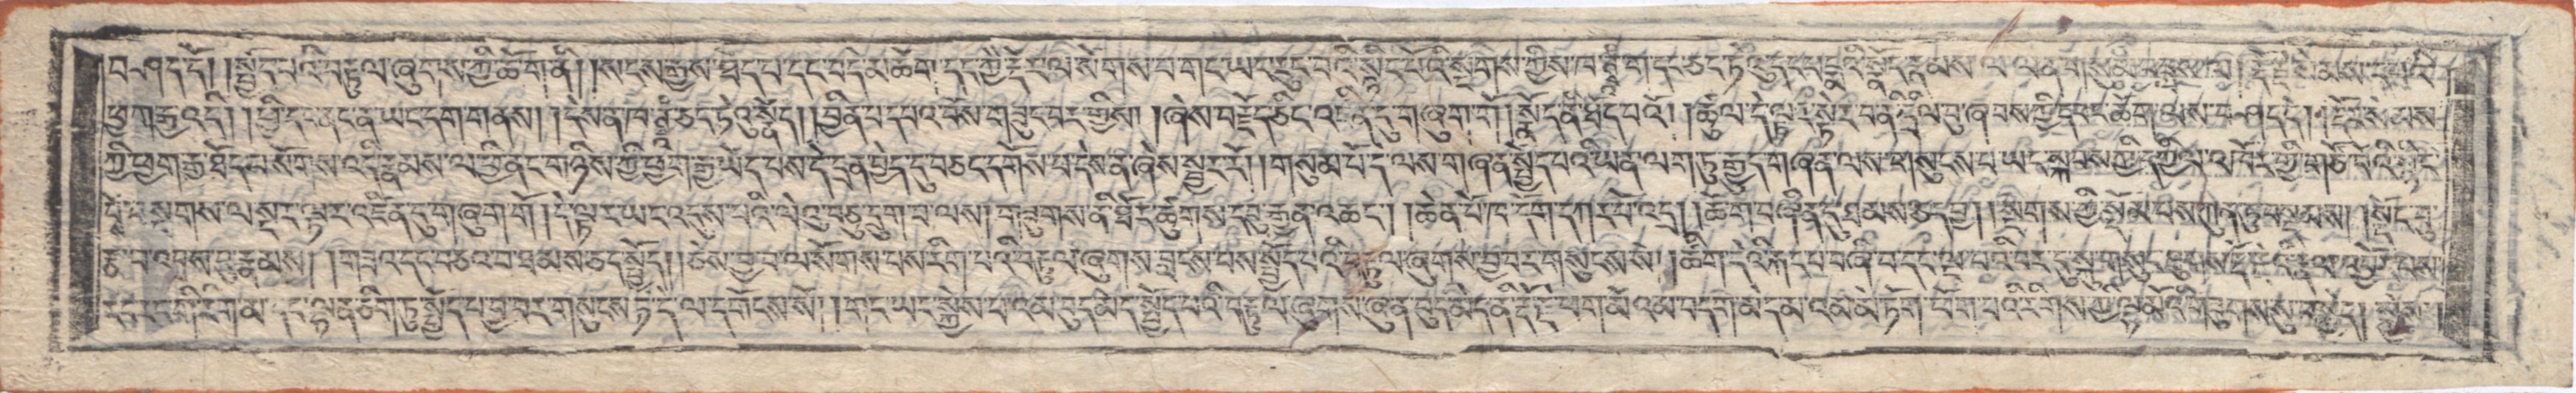བཤད་དོ། །སྤྱོད་པའི་བརྟུལ་ཞུགས་ཀྱི་ཆོ་ག་ནི། །སངས་རྒྱས་ཐོད་པ་དང་བདེ་མཆོག་དང་ཀྱཻ་རྡོར་ལ་སོགས་པ་གང་ཡང་རུང་བའི་སྙིང་པོའི་སྔགས་ཀྱིས་ཁ་ཊྭཱཾ་ག་དང་ཅང་ཏེའུ་དང་པདམའི་སྣོད་རྣམས་ལ་ལན་གསུམ་བཟླས་ལ། རྡོ་རྗེ་སེམས་དཔའི་
ཕྱག་རྒྱ་འདི། །ཕྱི་དང་ནང་ན་ཡང་དག་གནས། །དེས་ན་ཁ་ཊྭཱཾ་ཅང་ཏེའུ་སྣོད། །བྱིན་པ་དཔའ་བོས་གཟུང་བར་གྱིས། །ཞེས་བརྗོད་ཅིང་འཛིན་དུ་གཞུག་གོ །སྣོད་ནི་ཐོད་པའོ། །ཚུལ་དེ་ལྟར་སྟེར་བ་ནི་དྲིལ་བུ་ཞབས་ཀྱི་དབང་ཆོག་ལས་བཤད་དེ། །རྡོར་སེམས་
ཀྱི་ཕྱག་རྒྱ་ཐོད་པ་སོགས་འདི་རྣམས་ལ་ཕྱི་ནང་གཉིས་ཀྱི་ཕྱག་རྒྱ་ཡོད་པས་དེ་དྲན་བྱེད་དུ་བཅང་དགོས་པ་དེས་ན་ཞེས་སྦྱར་རོ། །གསུམ་པོ་དེ་ལས་གཞན་སྤྱོད་པའི་ཡན་ལག་ཏུ་རྒྱུད་གཞན་ལས་གསུངས་པ་ཡང་སྐབས་ཀྱི་དཀྱིལ་འཁོར་གྱི་གཙོ་བོའི་སྙིང་
པོས་བསྔགས་ལ་སྔར་ལྟར་འཛིན་དུ་གཞུག་གོ །དེ་ལྟར་ཡང་འདུས་པའི་ལེའུ་བཅུ་དྲུག་པ་ལས། གཟུགས་ནི་ཐོར་ཚུགས་དབུ་རྒྱན་འཆང་། །ཆེན་པོ་ཁ་དོག་དཀར་པོ་འདྲ། །ཆོ་ག་བཞིན་དུ་ཐམས་ཅད་བྱ། །སྔགས་ཀྱི་སྡོམ་པས་ཀུན་ཏུ་བསྡམས། །སྡོང་བུ་
རྩ་བ་འབྲས་བུ་རྣམས། །གཟའ་དང་བཅའ་བ་ཐམས་ཅད་སྤྱོད། །ཅེས་བྱ་བ་ལ་སོགས་པས་རིག་པའི་བརྟུལ་ཞུགས་བླངས་པས་སྤྱོད་པའི་བརྟུལ་ཞུགས་བྱ་བར་གསུངས་སོ། །ཚིག་དེའི་རྐང་པ་བཞི་བ་དང་ལྔ་པའི་བར་དུ་སྐུ་གསུང་ཐུགས་རྡོ་རྗེའི་རྣལ་འབྱོར་པས་
རང་རང་གི་རིག་མ་དང་ལྷན་ཅིག་ཏུ་སྤྱོད་པ་བྱ་བར་གསུངས་ཏེ་དེ་ལ་དགོངས་སོ། །གང་ཡང་སྐྱེས་པ་འམ་བུད་མེད་སྤྱོད་པའི་བརྟུལ་ཞུགས་ཞུ་ན་བུད་མེད་ནི་རྡོ་རྗེ་ཕག་མོའམ་བདག་མེད་མ་འམ་མེ་ཏོག་ཕོག་པའི་རིགས་ཀྱི་ལྷ་མོའི་གཟུགས་སུ་བསྐྱེད། སྐྱེས་